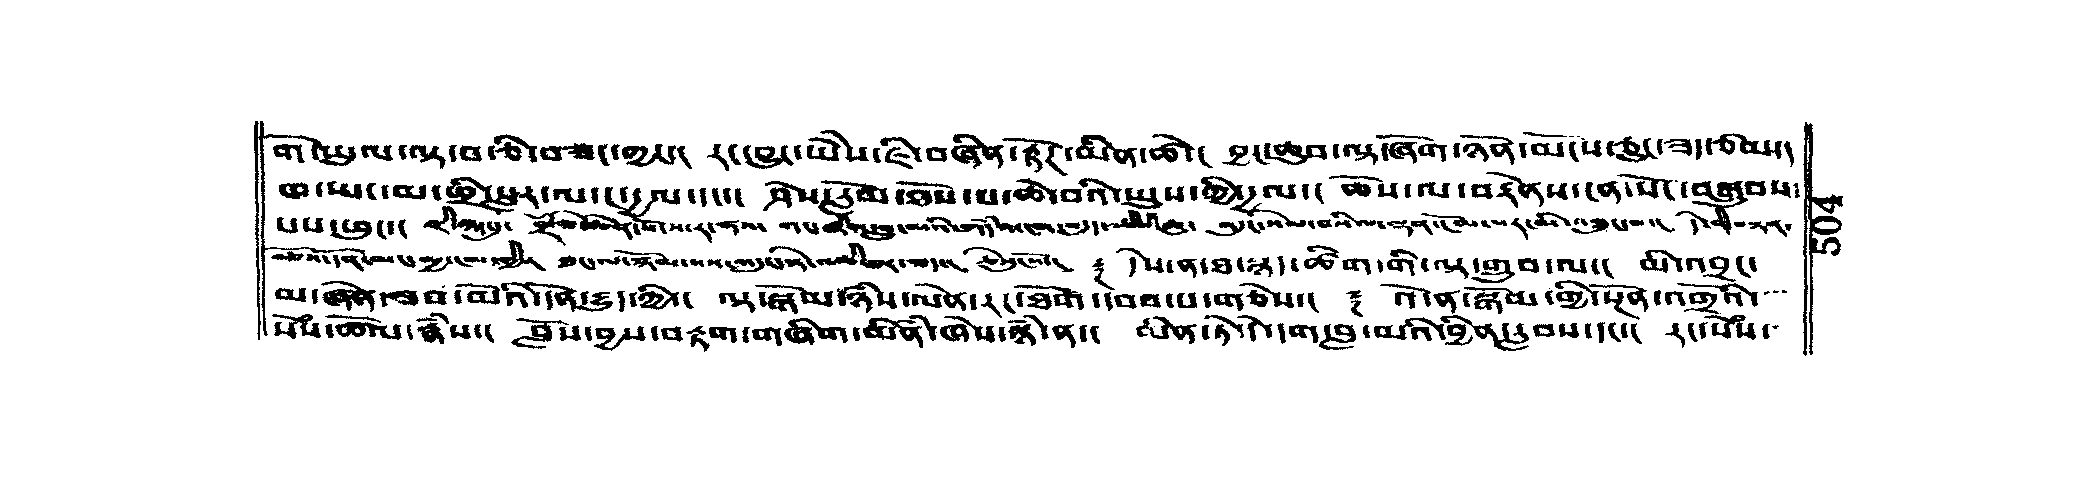གོ་ཡུལ་ལྟ་བ་ཅི་བཟང་ཀྱང་། །རང་བྱུང་ཡེ་ཤེས་ཇི་བཞིན་རྟོགས་མིན་ཚེ། །བྱང་ཆུབ་ལྟ་ཞོག་ཉོན་མོངས་ཅུང་ཟད་ཙམ། །
ཁ་ཡང་མ་ཕྲི་སླར་ལ་ང་རྒྱལ་དང་། །ཤེས་རློམ་ཐོས་པ་ཆེ་བའི་ཡུས་ཀྱི་རྒྱལ། །ཆོས་ལ་བརྟེན་ནས་ངན་སོང་བསྒྲུབས་
པས་ཕུང་། ཇི་སྐད་དུ། བྲམ་ཟེ་ཆེན་པོ་ས་ར་ཧས། གང་ཞིག་བླ་མའི་གདམས་ངག་བདུད་རྩིའི་ཆུ། །གདུང་སེལ་བསིལ་ལྡན་ངོམ་པར་མི་འཐུང་བ། །དེ་ནི་བསྟན་
བཅོས་དོན་མང་མྱ་ངམ་གྱི། །ཐང་ལ་སྐོམ་པས་གདུངས་ཏེ་འཆི་ཁར་ཟད།ཅེས་གསུངས་སོ།། ༈ དེས་ན་ཐ་སྙད་ཚིག་གི་ལྟ་གྲུབ་ལ། །མི་འབྲང་
མ་ཞེན་ཟབ་མོའི་དོན་རྒྱུད་ཀྱི། །ལྟ་སྒོམ་ཉམས་ལེན་རང་ཐོག་དབབ་པ་གཅེས། ༈ འོ་ན་སྒོམ་གྱི་སྔོན་འགྲོའི་
སེམས་ཚོལ་རྣམས། །བླཽས་བྱས་བརྟག་གཞིག་མིན་ནམ་ཞེས་སྙམ་ན། །མིན་ཏེ་དེ་དག་བླ་མའི་བྱིན་རླབས་དང་། །རང་སེམས་